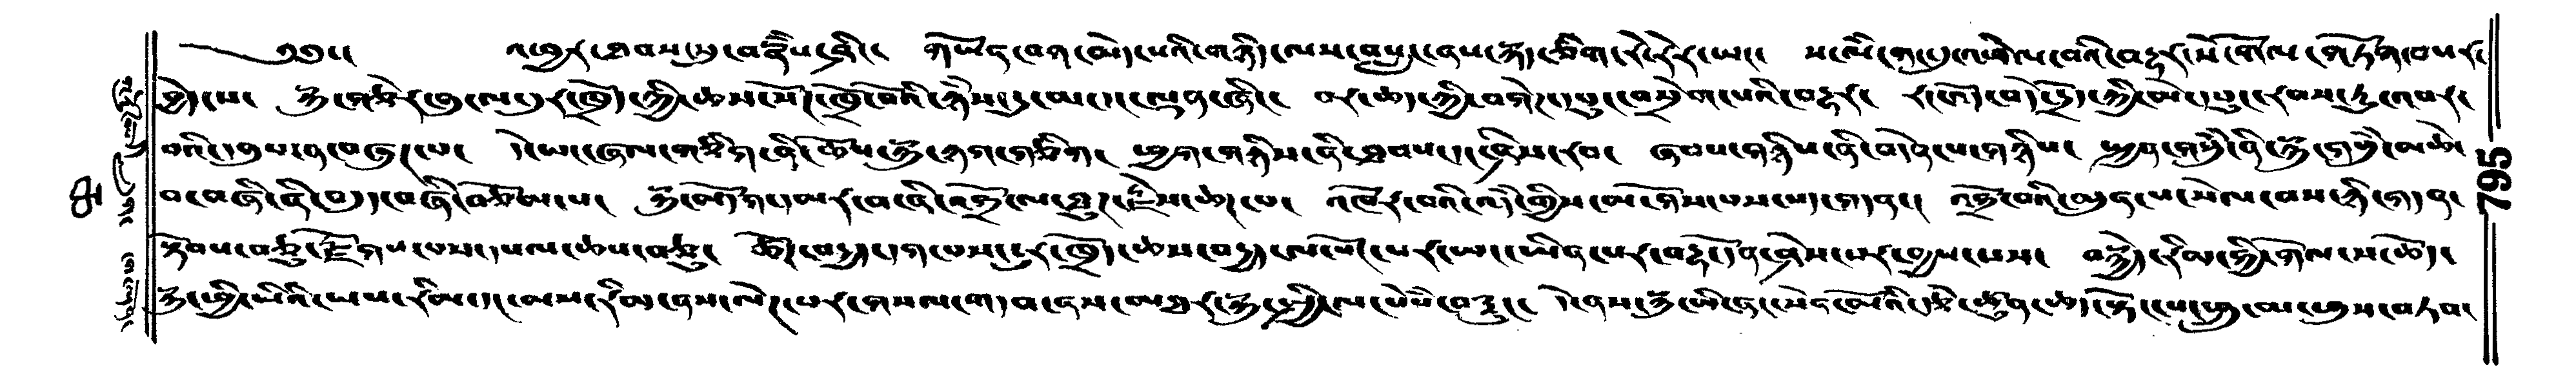འཕྱར་ཐབས་སུ་བསྣམས་ཤིང་། གཡོན་བག་མེད་པའི་གཉིད་ལས་བསླང་ནས་སྐད་ཅིག་རེ་རེར་ཡང་། ས་ལམ་གོང་དུ་འཕེལ་བའི་བརྡར་སེ་གོལ་གཏོག་པར་
བྱེད་པ། སྐུ་གཅེར་བུ་ལ་དུར་ཁྲོད་ཀྱི་ཆས་སོགས་ཁྲོ་བོའི་ཉམས་དུ་མ་དང་ལྡན་ཞིང་། བར་ཆད་ཀྱི་གེགས་དཔུང་བསྲེག་པའི་བརྡར། རང་འོད་བདེ་དྲོད་ཀྱི་མེ་དཔུང་རབ་ཏུ་འབར་
བའི་དབུས་ན་བཞུགས་པ། དེ་ཡང་ཞལ་གཅིག་ནི་ཆོས་སྐུ་ཉག་གཅིག ཕྱག་གཉིས་ནི་ཐབས་དང་ཤེས་རབ། ཞབས་གཉིས་ནི་བདེན་པ་གཉིས། སྤྱན་གསུམ་ནི་སྐུ་གསུམ། མཆེ་
བ་བཞི་ནི་བདུད་བཞི་བཅོམ་པ། སྐུ་མདོག་དམར་བ་ནི་འགྲོ་ལ་ཐུགས་རྗེས་ཆགས་པ།འཁོར་བའི་འདམ་གྱིས་མ་གོས་པས་པད་གདན། འགྲོ་བའི་མུན་པ་སེལ་བས་ཉི་གདན། 
སྟོབས་བཅུ་རྫོགས་པས་དཔལ་ཆས་བཅུ། ཚོགས་བརྒྱད་དག་པས་ངུར་ཁྲོད་ཆས་བརྒྱད་ལ་སོགས་པ་ཡིན་པར་བརྡ་དོན་ཤེས་པར་བྱས་པས། བསྐྱེད་རིམ་གྱི་གོལ་ས་ཆོད། 
སྐུའི་ཕྱི་ཡི་ཡས་རིམ་དང་མས་རིམ་ནས་ལེགས་པར་གསལ་གདབ་ནས་མཐར་སྐུ་སྤྱི་ལ་སེམས་བཟུང་། དེ་ནས་སྐུ་ཡི་ནང་སེན་མོའི་རྩེ་ཚུན་ཆད་སྟོང་པ་ཕྲུ་མ་ཕུས་བཏབ་